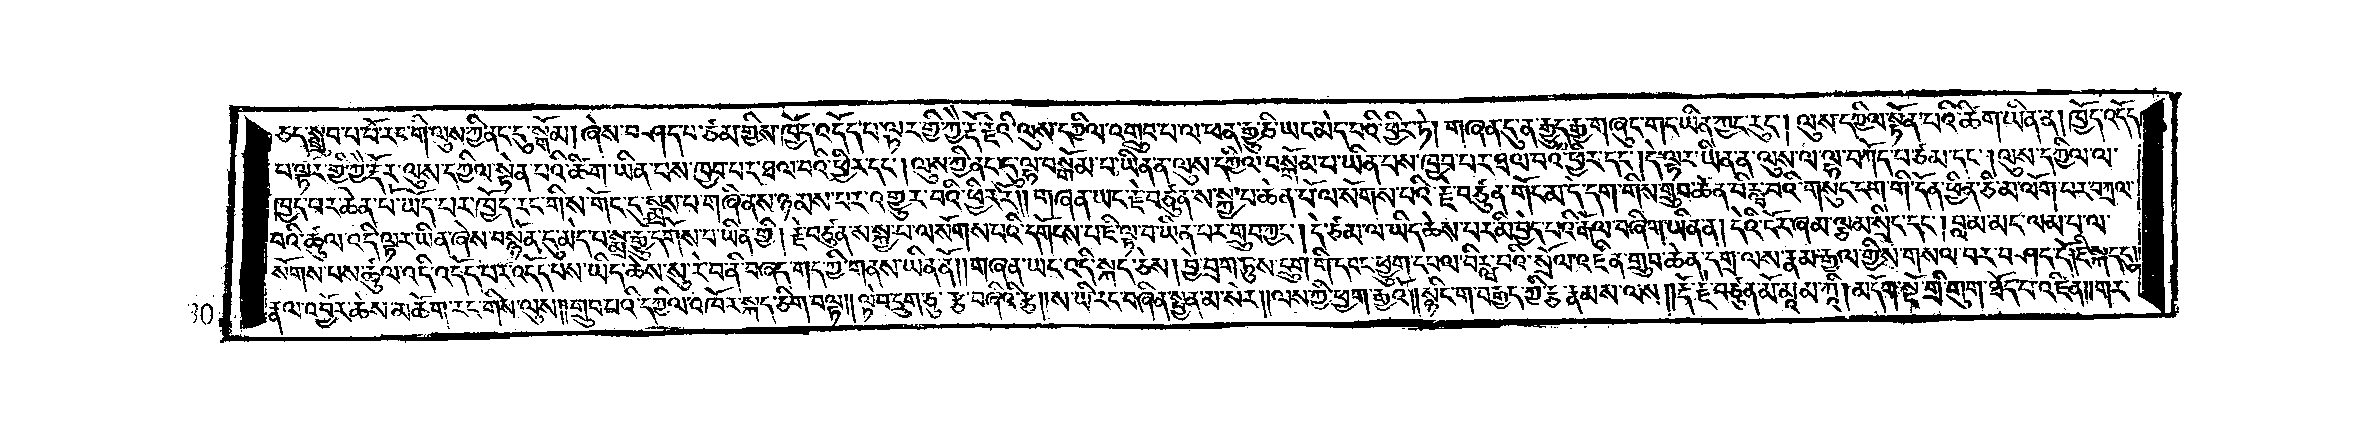ཅད་སྒྲུབ་པ་པོ་རང་གི་ལུས་ཀྱི་ནང་དུ་སྒོམ། ཞེས་བཤད་པ་ཙམ་གྱིས་ཁྱོད་འདོད་པ་ལྟར་གྱི་ཀྱཻ་རྡོ་རྗེའི་ལུས་དཀྱིལ་འགྲུབ་པ་ལ་ཕན་རྒྱུ་ཅི་ཡང་མེད་པའི་ཕྱིར་ཏེ། གཞན་དུ་ན་རྒྱུད་རྒྱ་གཞུང་གང་ཡིན་ཀྱང་རུང་། ལུས་དཀྱིལ་སྟོན་པའི་ཚིག་ཡིན་ན། ཁྱོད་འདོད་
པ་ལྟར་གྱི་ཀྱཻ་རྡོར་ལུས་དཀྱིལ་སྟེན་པའི་ཚིག་ཡིན་པས་ཁྱབ་པར་ཐལ་བའི་ཕྱིར་དང་། ལུས་ཀྱི་ནང་དུ་ལྷ་བསྒོམ་པ་ཡིན་ན་ལུས་དཀྱིལ་བསྒོམ་པ་ཡིན་པས་ཁྱབ་པར་ཐལ་བའི་ཕྱིར་དང་། དེ་ལྟར་ཡིན་ན་ལུས་ལ་ལྷ་བཀོད་པ་ཙམ་དང་། ལུས་དཀྱིལ་ལ་
ཁྱད་པར་ཆེན་པོ་ཡོད་པར་ཁྱོད་རང་གིས་གོང་དུ་སྨྲས་པ་གཞི་ནས་ཉམས་པར་འགྱུར་བའི་ཕྱིར་རོ། །གཞན་ཡང་རྗེ་བཙུན་ས་སྐྱ་བ་ཆེན་པོ་ལ་སོགས་པའི་རྗེ་བཙུན་གོང་མ་དེ་དག་གིས་གྲུབ་ཆེན་བིརྭ་བའི་གསུང་ངག་གི་དོན་ཕྱིན་ཅི་ལོག་པར་བཀྲལ་
བའི་ཚུལ་འདི་ལྟར་ཡིན་ཞེས་བསྙོན་དུ་མེད་པ་སྨྲ་རྒྱུ་དགོས་པ་ཡིན་གྱི། རྗེ་བཙུན་ས་སྐྱ་པ་ལ་སོགས་པའི་དགོངས་པ་ཇི་ལྟ་བ་ཡིན་པར་གྲུབ་ཀྱང་། དེ་ཙམ་ལ་ཡིད་ཆེས་པར་མི་བྱེད་པའི་རྒོལ་བཞིག་ཡིན་ན། དེའི་ངོར་ཞམ་ལྕམ་སྲིང་དང་། བླ་མ་མང་ལམ་པ་ལ་
སོགས་པས་ཚུལ་འདི་འདོད་པར་འདོད་པས་ཡིད་ཆེས་སུ་རེ་བ་ནི་བཞད་གད་ཀྱི་གནས་ཡིན་ནོ། །གཞན་ཡང་འདི་སྐད་ཅེས། བྱེ་བྲག་ཏུ་ས་དྲུག་གི་དབང་ཕྱུག་དཔལ་བིརྭ་བའི་སྨྲོས་འཛིན་གྲུབ་ཆེན་དགྲ་ལས་རྣམ་རྒྱལ་གྱིས་གསལ་བར་བཤད་དོ། །ཇི་སྐད་དུ།
རྣལ་འབྱོར་ཆེས་མཆོག་རང་གིས་ལུས། །གྲུབ་པའི་དཀྱིལ་འཁོར་སྐད་ཅིག་བལྟ། །ལྟེ་བ་དྲུག་ཅུ་རྩ་བཞིའི་རྩ། །ས་ཡི་རང་བཞིན་སྤྱན་མ་སེར། །ལས་ཀྱི་ཕྱག་རྒྱའོ། །སྙིང་ག་བརྒྱད་ཀྱི་རྩ་རྣམས་ལས། །རྡོ་རྗེ་བཙུན་མོ་མཱ་མ་ཀཱི། མདོག་སྡོ་གྲི་གུག་ཐོད་པ་འཛིན། །གར་